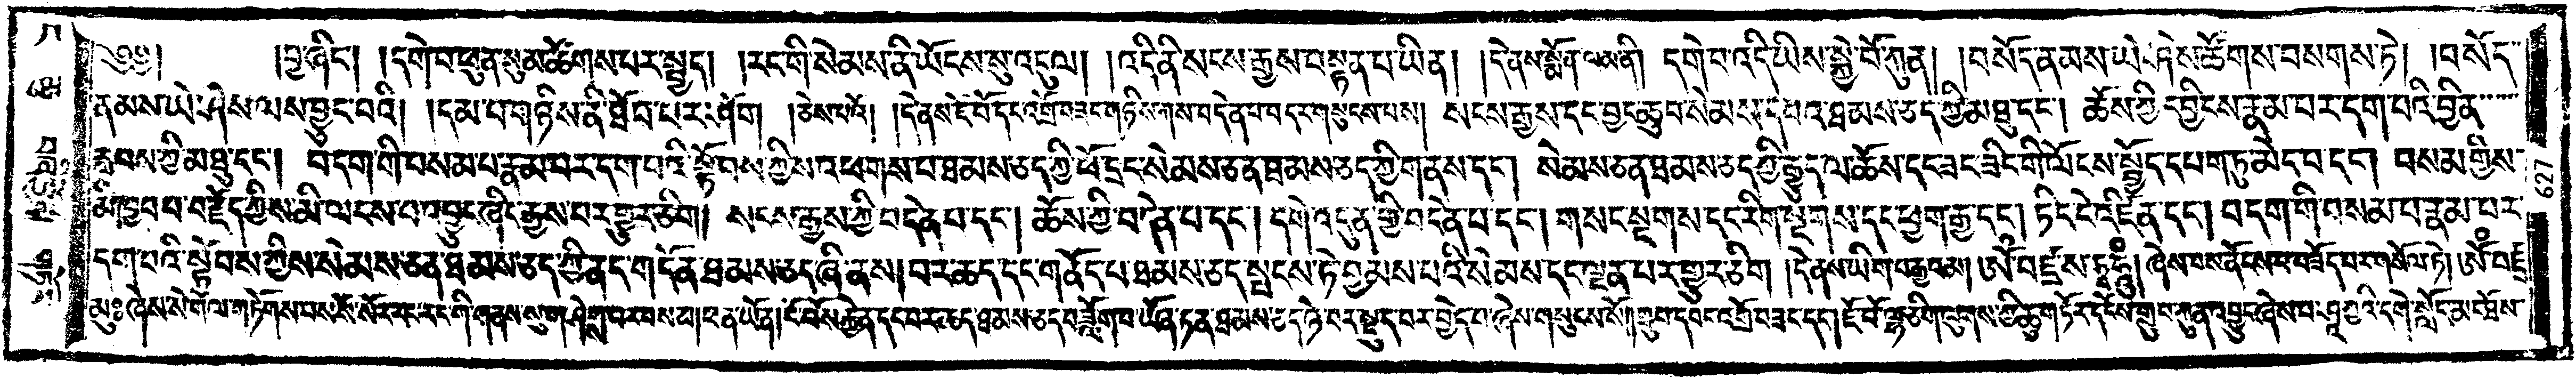༄༅། །བྱ་ཞིང་། །དགེ་བ་ཕུན་སུམ་ཚོགས་པར་སྦྱད། །རང་གི་སེམས་ནི་ཡོངས་སུ་འདུལ། །འདི་ནི་སངས་རྒྱས་བསྟན་པ་ཡིན། །དེ་ནས་སྨོན་ལམ་ནི། དགེ་བ་འདི་ཡིས་སྐྱེ་བོ་ཀུན། །བསོད་ནམས་ཡེ་ཤེས་ཚོགས་བསགས་ཏེ། །བསོད་
ནམས་ཡེ་ཤེས་ལས་བྱུང་བའི། །དམ་པ་གཉིས་ནི་ཐོབ་པར་ཤོག། །ཅེས་པའོ། །དེ་ནས་ངོ་བོ་དང་འགྲོ་བཟང་གཉིས་ཀས་བདེན་པ་བདར་གསུངས་པས། སངས་རྒྱས་དང་བྱང་ཆུབ་སེམས་དཔའ་ཐམས་ཅད་ཀྱི་མཐུ་དང་། ཆོས་ཀྱི་དབྱིངས་རྣམ་པར་དག་པའི་བྱིན་
རླབས་ཀྱི་མཐུ་དང་། བདག་གི་བསམ་པ་རྣམ་པར་དག་པའི་སྟོབས་ཀྱིས་འཕགས་པ་ཐམས་ཅད་ཀྱི་ཕོ་དྲང་སེམས་ཅན་ཐམས་ཅད་ཀྱི་གནས་དང་། སེམས་ཅན་ཐམས་ཅད་ཀྱི་རྒྱུད་ལས་ཆོས་དང་ཟང་ཟིང་གི་ལོངས་སྤྱོད་དཔག་ཏུ་མེད་པ་དང་། བསམ་གྱིས་
མི་ཁྱབ་བ་བརྗོད་ཀྱིས་མི་ལངས་བ་འབྱུང་ཞིང་རྒྱས་བར་གྱུར་ཅིག། སངས་རྒྱས་ཀྱི་བདེན་པ་དང་། ཆོས་ཀྱི་བདེན་པ་དང་། དགེ་འདུན་གྱི་བདེན་པ་དང་། གསང་སྔགས་དང་རིག་སྔགས་དང་ཕྱག་རྒྱ་དང་། ཏིང་ངེ་འཛིན་དང་། བདག་གི་བསམ་བ་རྣམ་པར་
དག་བའི་སྟོབས་ཀྱིས་སེམས་ཅན་ཐམས་ཅད་ཀྱི་ནད་གདོན་ཐམས་ཅད་ཞི་ནས། བར་ཆད་དང་གནོད་པ་ཐམས་ཅད་སྤངས་ཏེ་བྱམས་པའི་སེམས་དང་ལྡན་པར་གྱུར་ཅིག །དེ་ནས་ཡིག་བརྒྱ་འམ། ཨོཾ་བཛྲ་ས་ཏྭ་ཧཱུཾ། ཞེས་བས་ནོངས་པ་བཟོད་པར་གསོལ་ཏེ། ཨོཾ་བཛྲ་
མུཿ ཞེས་སེ་གོལ་གཏོགས་པས་སོ་སོར་རང་རང་གི་གནས་སུ་གཤེགས་པར་བས་མཁན་ཡོན། ངོ་བོས་རྐྱེན་དང་བར་ཆད་ཐམས་ཅད་བཟློག་པ་ཡོན་ཏན་ཐམས་ཅད་ཉེ་བར་སྡུད་པར་བྱེད་པ་ཞེས་གསུངས་སོ། །གྲུབ་དབང་འགྲོ་བཟང་དང་། ཇོ་བོ་ལྷ་ཅིག་ལུགས་ཀྱི་ཆུ་གཏོར་དངོས་གྲུབ་ཀུན་འབྱུང་ཞེས་བ་ཤཱཀྱའི་དགེ་སློང་མང་ཐོས་